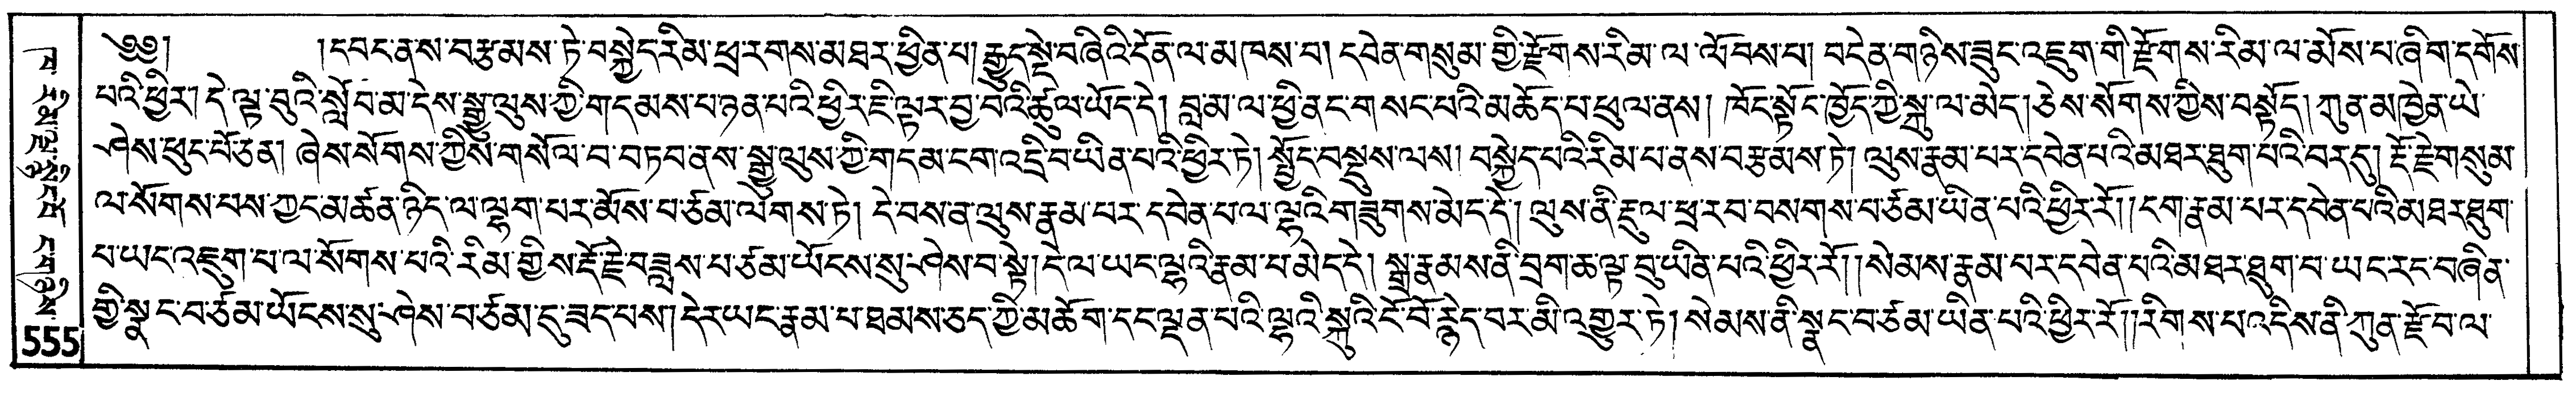༄༅། །དབང་ན་ས་བརྩམས་ཏེ་བསྐྱེད་རིམ་ཕྲ་རགས་མཐར་ཕྱིན་པ། རྒྱུད་སྡེ་བཞིའི་དོན་ལ་མཁས་པ། དབེན་གསུམ་གྱི་རྫོགས་རིམ་ལ་ལོབས་པ། བདེན་གཉིས་ཟུང་འཇུག་གི་རྫོགས་རིམ་ལ་མོས་པ་ཞིག་དགོས་
པའི་ཕྱིར། དེ་ལྟ་བུའི་སློབ་མ་དེས་སྒྱུ་ལུས་ཀྱི་གདམས་པ་ཉན་པའི་ཕྱིར་ཇི་ལྟར་བྱ་བའི་ཚུལ་ཡོད་དེ། བླ་མ་ལ་ཕྱི་ནང་གསང་བའི་མཆོད་པ་ཕུལ་ནས། ཁོང་སྟོང་ཁྱོད་ཀྱི་སྐུ་ལ་མེད། ཅེས་སོགས་ཀྱིས་བསྟོད། ཀུན་མཁྱེན་ཡེ་
ཤེས་ཕུང་པོ་ཅན། ཞེས་སོགས་ཀྱིས་གསོལ་བ་བཏབ་ནས་སྒྱུ་ལུས་ཀྱི་གདམ་ངག་འདྲི་བ་ཡིན་པའི་ཕྱིར་ཏེ། སྤྱོད་བསྡུས་ལས། བསྐྱེད་པའི་རིམ་པ་ནས་བརྩམས་ཏེ། ལུས་རྣམ་པར་དབེན་པའི་མཐར་ཐུག་པའི་བར་དུ། རྡོ་རྗེ་གསུམ་
ལ་སོགས་པས་ཀྱང་མཚན་ཉིད་ལ་ལྷག་པར་མོས་པ་ཙམ་ལགས་ཏེ། དེ་བས་ན་ལུས་རྣམ་པར་དབེན་པ་ལ་ལྷའི་གཟུགས་མེད་དེ། ལུས་ནི་རྡུལ་ཕྲ་རབ་བསགས་པ་ཙམ་ཡིན་པའི་ཕྱིར་རོ། །ངག་རྣམ་པར་དབེན་པའི་མཐར་ཐུག་
པ་ཡང་འཇུག་པ་ལ་སོགས་པའི་རིམ་གྱིས་རྡོ་རྗེ་བཟླས་པ་ཙམ་ཡོངས་སུ་ཤེས་པ་སྟེ། དེ་ལ་ཡང་ལྷའི་རྣམ་པ་མེད་དེ། སྒྲ་རྣམས་ནི་བྲག་ཆ་ལྟ་བུ་ཡིན་པའི་ཕྱིར་རོ། །སེམས་རྣམ་པར་དབེན་པའི་མཐར་ཐུག་པ་ཡང་རང་བཞིན་
གྱི་སྣང་བ་ཙམ་ཡོངས་སུ་ཤེས་པ་ཙམ་དུ་ཟད་པས། དེར་ཡང་རྣམ་པ་ཐམས་ཅད་ཀྱི་མཆོག་དང་ལྡན་པའི་ལྷའི་སྐུའི་ངོ་བོ་རྙེད་པར་མི་འགྱུར་ཏེ། སེམས་ནི་སྣང་བ་ཙམ་ཡིན་པའི་ཕྱིར་རོ། །རིགས་པ་འདིས་ནི་ཀུན་རྫོབ་ལ་